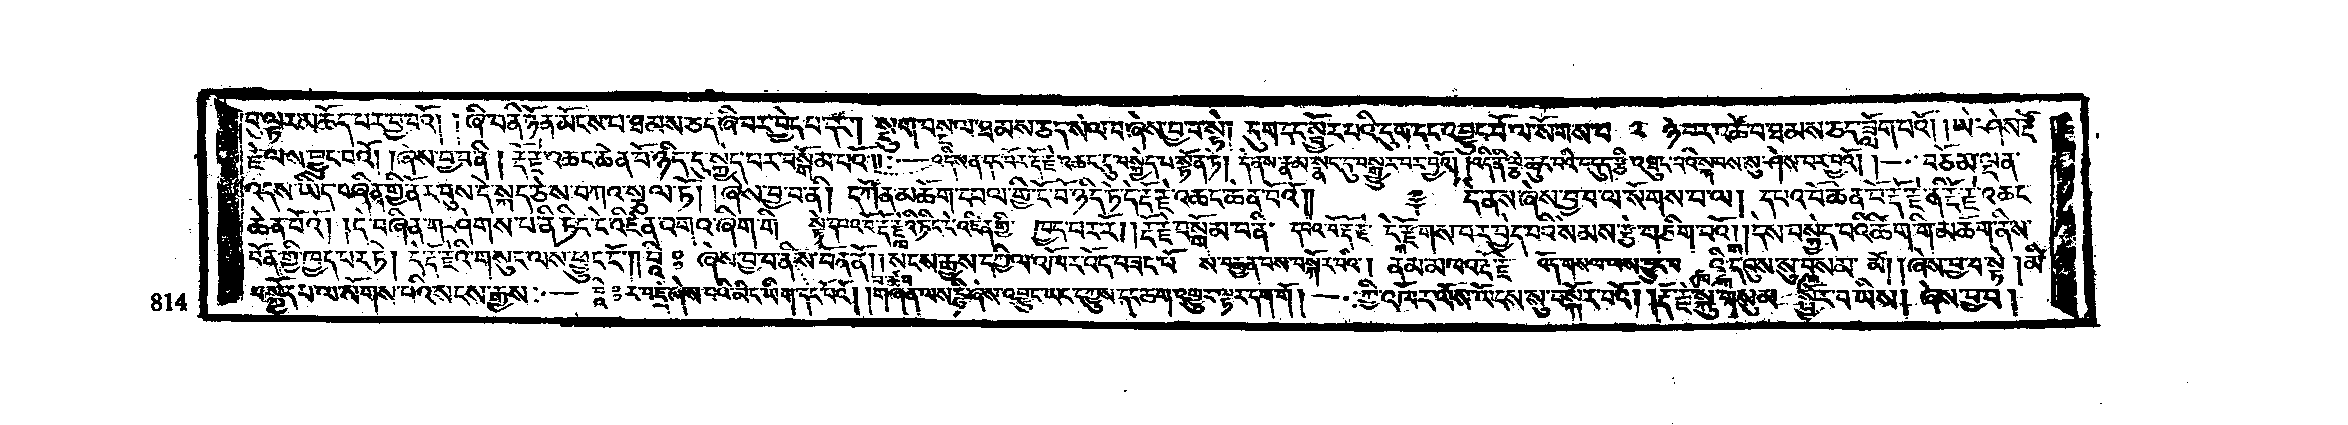བུ་ལྟར་མཆོད་པར་བྱ་བའོ། །ཞི་བ་ནི་ཉོན་མོངས་པ་ཐམས་ཅད་ཞི་བར་བྱེད་པ་དང་། སྡུག་བསྔལ་ཐམས་ཅད་སེལ་བ་ཞེས་བྱ་བ་སྟེ། དུག་དང་སྦྱོར་བའི་དུག་དང་འབྱུང་པོ་ལ་སོགས་པར་ཉེ་བར་འཚེ་བ་ཐམས་ཅད་ཟློག་པའོ། །ཡེ་ཤེས་རྡོ་
རྗེ་ལས་བྱུང་བའོ། །ཞེས་བྱ་བ་ནི། རྡོ་རྗེ་འཆང་ཆེན་པོ་ཉིད་དུ་སྐྱེད་པར་བསྒོམ་པའོ།།H.་འདིས་ན་དང་པོར་རྡོ་རྗེ་འཆང་དུ་བསྐྱེད་པ་སྟོན་ཏེ། དེ་ནས་རྣམ་སྣང་དུ་བསྒྱུར་པར་བྱའོ། །འདི་ནི་ལྕེ་ཆུང་བའི་བདུད་རྩི་འཐུང་བའི་སྐབས་སུ་ཤེས་པར་བྱའོ།།  .Hབཅོམ་ལྡན་
འདས་ཡིད་བཞིན་གྱི་ནོར་བུས་དེ་སྐད་ཅེས་བཀའ་སྩལ་ཏོ། །ཞེས་བྱ་བ་ནི། དཀོན་མཆོག་དཔལ་གྱི་ངོ་བོ་ཉིད་ཏེ་དེ་རྡོ་རྗེ་འཆང་ཆེན་པོའོ།། ༈ དེ་ནས་ཞེས་བྱ་བ་ལ་སོགས་པ་ལ། དཔའ་བོ་ཆེན་པོ་རྡོ་རྗེ་ནི་རྡོ་རྗེ་འཆང་
ཆེན་པོའོ། །དེ་བཞིན་གཤེགས་པ་ནི་ཏིང་ངེ་འཛིན་འགའ་ཞིག་གི་སྟེ་དཔའ་བོ་རྡོ་རྗེའི་ཏིང་ངེ་འཛིན་གྱི་ཁྱད་པར་རོ། །རྡོ་རྗེ་བསྒོམ་པ་ནི་དཔའ་བོ་རྡོ་རྗེ་དེ་རྫོགས་པར་བྱེད་པའི་སེམས་རྩེ་གཅིག་པའོ། །དེས་བསྐྱེད་པའི་ཚིག་གི་མཆོག་ནི་ས་
བོན་གྱི་ཁྱད་པར་ཏེ། དེ་རྡོ་རྗེའི་གསུང་ལས་ཕྱུང་ངོ། །བཱིཿ ཞེས་བྱ་བ་ནི་ས་བོན་ནོ། །སངས་རྒྱས་དཀྱིལ་འཁོར་འོད་བཟང་པོ་ས་བརྒྱན་པས་བསྐོར་བའི།  ནམ་མཁའ་རྡོ་རྗེ་འོད་གསལ་ལས་བྱུང་བའི་དབུས་སུ་བསམ་མོ། །ཞེས་བྱ་བ་སྟེ། མི་
བསྐྱོད་པ་ལ་སོགས་པའི་སངས་རྒྱས་H.་བཱིཿ ར་བཛྲ་ཞེས་པའི་མིང་ཡིག་དང་པོའོ། །གཞན་ལས་དྷི་ཞེས་འབྱུང་ཡང་དཀྱུས་དང་ཆག་འགྱུར་ལྟར་དག་གོ་།.H ཀྱི་འཁོར་ལོས་ཡོངས་སུ་བསྐོར་བའོ། །རྡོ་རྗེ་སྐུ་གསུམ་སྦྱོར་བ་ཡིས། ཞེས་བྱ་བ།